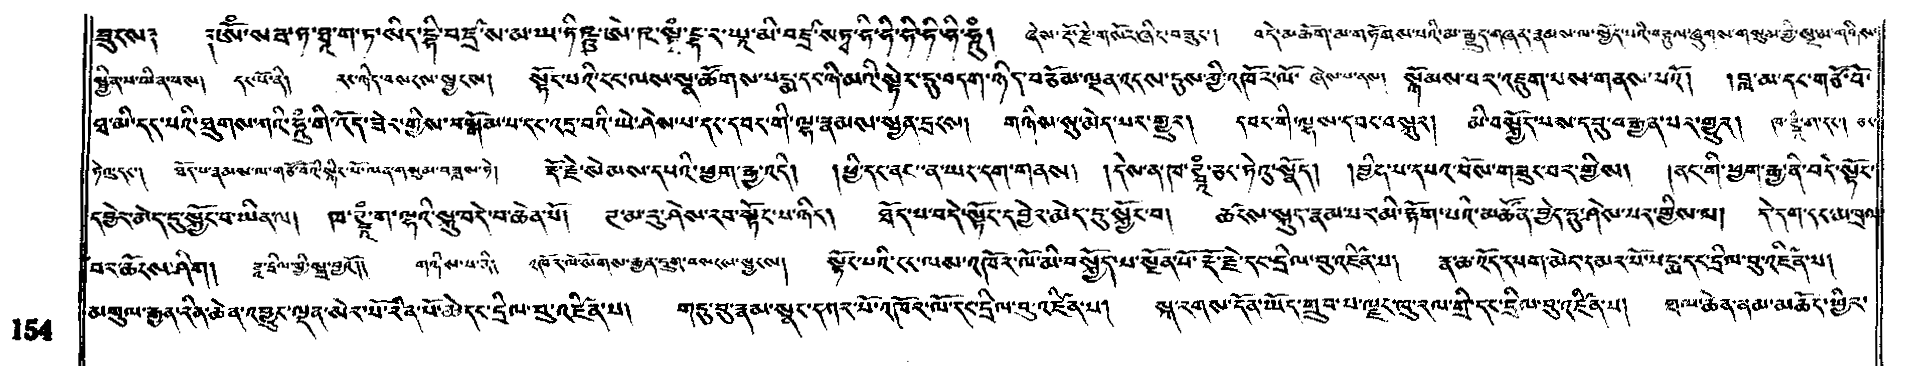ཟུངས༑ ༑ཨོཾ་སརྦ་ཏ་ཐཱ་ག་ཏ་སིད་དྷི་བཛྲ་ས་མ་ཡ་ཏིཥཊཿཨ་ཨེ་ཥ་སྟྭཾ་དྷ་ར་ཡཱ་མི་བཛྲ་སཏྭ་ཧི་ཧི་ཧི་ཧི་ཧི་ཧཱུཾ། ཞེས་རྡོ་རྗེ་གསོར་ཞིང་བཟུང་། བདེ་མཆོག་མ་གཏོགས་པའི་མ་རྒྱུད་གཞན་རྣམས་ལ་སྤྱོད་པའི་བརྟུལ་ཞུགས་གསུམ་གྱི་སྔ་མ་གཉིས་
སྦྱིན་པ་ཡིན་པས། དང་པོ་ནི། རང་ཉིད་བསངས་སྦྱངས། སྟོང་པའི་ངང་ལས་སྣ་ཚོགས་པདམ་དང་ཉི་མའི་སྟེང་དུ་བདག་ཉིད་བཅོམ་ལྡན་འདས་དུས་ཀྱི་འཁོར་ལོ་ཞེས་པ་ནས།  སྙོམས་པར་འཇུག་པས་གནས་པའོ། །བླ་མ་དང་གཙོ་བོ་
ཐ་མི་དད་པའི་ཐུགས་ཀའི་ཧཱུཾ་གི་འོད་ཟེར་གྱིས་བསྒོམ་པ་དང་འདྲ་བའི་ཡེ་ཤེས་པ་དང་དབང་གི་ལྷ་རྣམས་སྤྱན་དྲངས། གཉིས་སུ་མེད་པར་གྱུར། དབང་གི་ལྷས་དབང་བསྐུར། མི་བསྐྱོད་པས་དབུ་བརྒྱན་པར་གྱུར། ཁ་ཊྭཱཾ་ག་དང་། ཅང་
ཏེའུ་དང་། ཐོད་པ་རྣམས་ལ་གཙོ་བོའི་སྙིང་པོ་ལན་གསུམ་བཟླས་ཏེ། རྡོ་རྗེ་སེམས་དཔའི་ཕྱག་རྒྱ་འདི། །ཕྱི་དང་ནང་ན་ཡང་དག་གནས། །དེས་ན་ཁ་ཊྭཱཾ་ཅང་ཏེའུ་སྣོད། །བྱིན་པ་དཔའ་བོས་གཟུང་བར་གྱིས། །ནང་གི་ཕྱག་རྒྱ་ནི་བདེ་སྟོང་
དབྱེར་མེད་ཏུ་སྐྱོང་བ་ཡིན་ལ། ཁ་ཊྭཱཾ་ག་ལྷའི་སྐུ་བདེ་བ་ཆེན་པོ། ཊ་མ་རུ་ཤེས་རབ་སྟོང་པ་ཉིད། ཐོད་པ་བདེ་སྟོང་དབྱེར་མེད་དུ་སྐྱོང་བ། ཚངས་སྐུད་རྣམ་པར་མི་རྟོག་པའི་མཚོན་བྱེད་དུ་ཤེས་པར་གྱིས་ལ། དེ་དག་དང་མ་བྲལ་
བར་ཆོངས་ཤིག། ཊཱ་དྲིལ་གྱི་སྒྲ་བྱའོ།། གཉིས་པ་ནི། འཁོར་ལོ་སོགས་རྒྱན་དྲུག་བསངས་སྦྱངས།  སྟོང་པའི་ངང་ལས་འཁོར་ལོ་མི་བསྐྱོད་པ་སྔོན་པོ་རྡོ་རྗེ་དང་དྲིལ་བུ་འཛིན་པ། རྣ་ཆ་འོད་དཔག་མེད་དམར་པོ་པདམ་དང་དྲིལ་བུ་འཛིན་པ།
མགུལ་རྒྱན་རིན་ཆེན་འབྱུང་ལྡན་སེར་པོ་རིན་པོ་ཆེ་དང་དྲིལ་བུ་འཛིན་པ། གདུ་བུ་རྣམ་སྣང་དཀར་པོ་འཁོར་ལོ་དང་དྲིལ་བུ་འཛིན་པ། སྐ་རགས་དོན་ཡོད་གྲུབ་པ་ལྗང་ཁུ་རལ་གྲི་དང་དྲིལ་བུ་འཛིན་པ། ཐལ་ཆེན་ནམ་མཆོད་ཕྱིར་